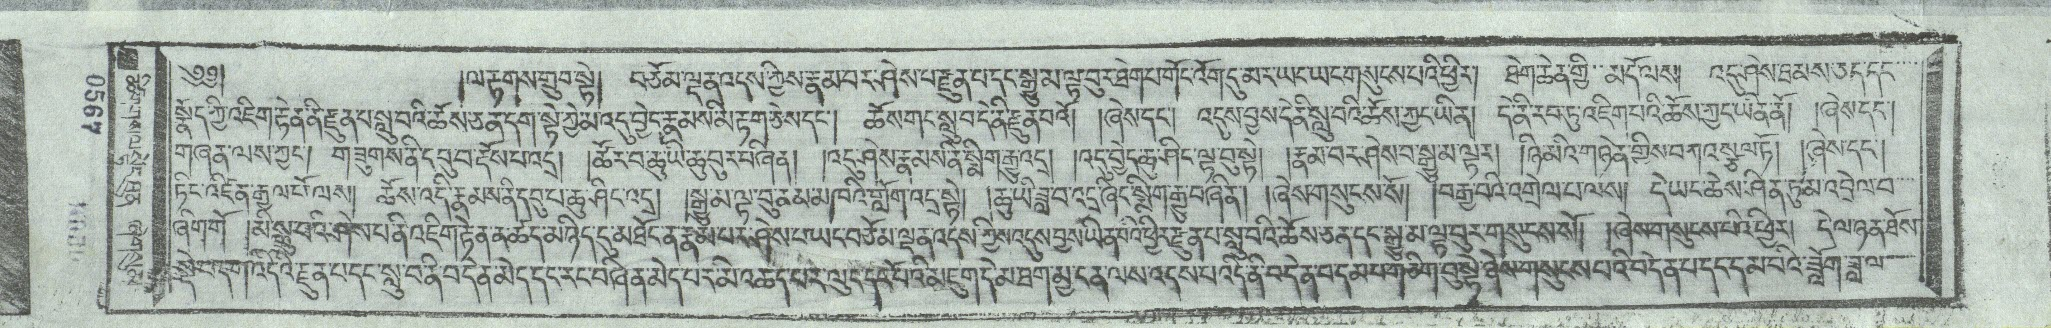༄༅། །ལ་རྟགས་གྲུབ་སྟེ། བཅོམ་ལྡན་འདས་ཀྱིས་རྣམ་པར་ཤེས་པ་རྫུན་པ་དང་སྒྱུ་མ་ལྟ་བུར་ཐེག་པ་གོང་འོག་དུ་མར་ཡང་ཡང་གསུངས་པའི་ཕྱིར། ཐེག་ཆེན་གྱི་མདོ་ལས། འདུ་ཤེས་ཐམས་ཅད་དང་
སྣོད་ཀྱི་འཇིག་རྟེན་ནི་རྫུན་པ་སླུ་བའི་ཆོས་ཅན་དག་སྟེ་ཀྱེ་མ་འདུ་བྱེད་རྣམས་མི་རྟག་ཅེས་དང་། ཆོས་གང་སླུ་བ་དེ་ནི་རྫུན་པའོ། །ཞེས་དང་། འདུས་བྱས་དེ་ནི་སླུ་བའི་ཆོས་ཀྱང་ཡིན། དེ་ནི་རབ་ཏུ་འཇིག་པའི་ཆོས་ཀྱང་ཡིན་ནོ། །ཞེས་དང་།
གཞན་ལས་ཀྱང་། གཟུགས་ནི་དབུ་བ་རྡོས་པ་འདྲ། །ཚོར་བ་ཆུ་ཡི་ཆུ་བུར་བཞིན། །འདུ་ཤེས་རྣམས་ནི་སྨིག་རྒྱུ་འདྲ། །འདུ་བྱེད་ཆུ་ཤིང་ལྟ་བུ་སྟེ། །རྣམ་པར་ཤེས་པ་སྒྱུ་མ་ལྟར། །ཉི་མའི་གཉེན་གྱིས་བཀའ་སྩལ་ཏོ། །ཞེས་དང་།
ཏིང་འཛིན་རྒྱལ་པོ་ལས། ཆོས་འདི་རྣམས་ནི་དབུ་པ་ཆུ་ཤིང་འདྲ། །སྒྱུ་མ་ལྟ་བུ་ནམ་མཁའི་གློག་འདྲ་སྟེ། །ཆུ་ཡི་ཟླ་བ་འདྲ་ཞིང་སྨིག་རྒྱུ་བཞིན། །ཞེས་གསུངས་སོ། །བརྒྱ་བའི་འགྲེལ་པ་ལས། དེ་ཡང་ཆེས་ཤིན་ཏུ་མ་འབྲེལ་བ་
ཞིག་གོ །མི་སླུ་བའི་ཤེས་པ་ནི་འཇིག་རྟེན་ན་ཚད་མ་ཉིད་དུ་མཐོང་ན་རྣམ་པར་ཤེས་པ་ཡང་བཅོམ་ལྡན་འདས་ཀྱིས་འདུས་བྱས་ཡིན་པའི་ཕྱིར་རྫུན་པ་སླུ་བའི་ཆོས་ཅན་དང་སྒྱུ་མ་ལྟ་བུར་གསུངས་སོ། །ཞེས་གསུངས་པའི་ཕྱིར། དེ་ལ་ཉན་ཐོས་
སྡེ་པ་དག་འདིའི་རྫུན་པ་དང་སླུ་བ་ནི་བདེན་མེད་དང་རང་བཞིན་མེད་པར་མི་འཆད་པར་ལུང་དང་པོའི་མཇུག་དེ་མ་ཐག་མྱ་ངན་ལས་འདས་པ་འདི་ནི་བདེན་པ་དམ་པ་གཅིག་བུ་སྟེ་ཞེས་གསུངས་པའི་བདེན་པ་དང་དམ་པའི་ཟློག་ཟླ་ལ་